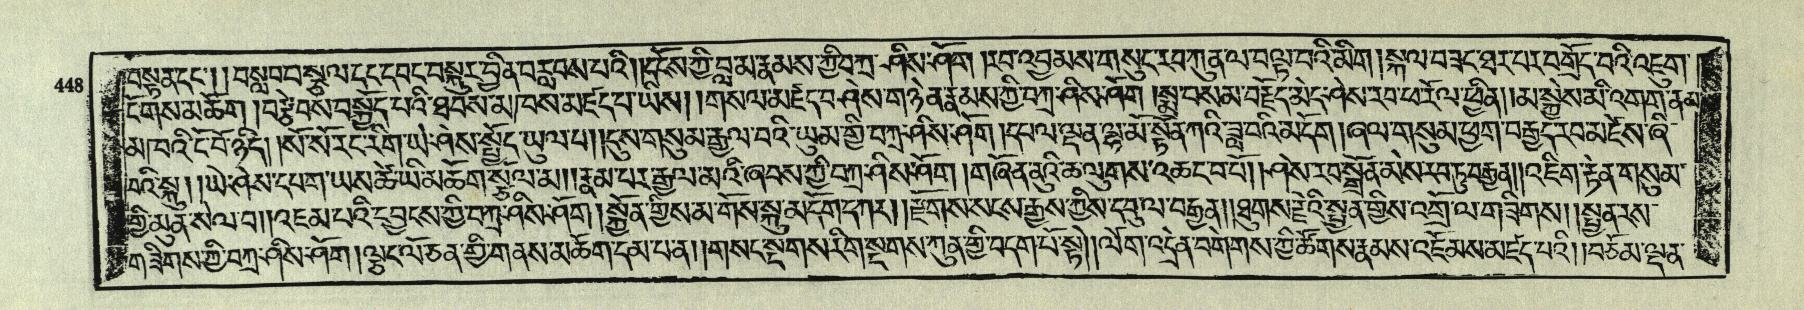བསྟན་དང་། །བསླབ་བསྩལ་དང་དབང་བསྐུར་བྱིན་བརླབས་པའི། །དངོས་ཀྱི་བླ་མ་རྣམས་ཀྱི་བཀྲ་ཤིས་ཤོག །རབ་འབྱམས་གསུང་རབ་ཀུན་ལ་བལྟ་བའི་མིག །སྐལ་བཟང་ཐར་པར་བགྲོད་བའི་འཇུག་
ངོགས་མཆོག །བརྩེབས་བསྐྱོད་པའི་ཐབས་མཁས་མཛད་པ་ཡིས། །གསལ་མཛད་བཤེས་གཉེན་རྣམས་ཀྱི་བཀྲ་ཤིས་ཤོག །སྨྲ་བསམ་བརྗོད་མེད་ཤེས་རབ་ཕ་རོལ་ཕྱིན། །མ་སྐྱེས་མི་འགག་ནམ་
མཁའི་ངོ་བོ་ཉིད། །སོ་སོ་རང་རིག་ཡེ་ཤེས་སྤྱོད་ཡུལ་པ། །དུས་གསུམ་རྒྱལ་བའི་ཡུམ་གྱི་བཀྲ་ཤིས་ཤོག །དཔལ་ལྡན་ལྷ་མོ་སྟོན་ཀའི་ཟླ་བའི་མདོག །ཞལ་གསུམ་ཕྱག་བརྒྱད་རབ་མཛེས་ཞི་
བའི་སྐུ། །ཡེ་ཤེས་དཔག་ཡས་ཚེ་ཡི་མཆོག་སྩོལ་མ། །རྣམ་པར་རྒྱལ་མའི་ཞབས་ཀྱི་བཀྲ་ཤིས་ཤོག །གཞོན་ནུའི་ཆ་ལུགས་འཆང་བ་པོ། །ཤེས་རབ་སྒྲོན་མེས་རབ་ཏུ་བརྒྱན། །འཇིག་རྟེན་གསུམ་
གྱི་མུན་སེལ་བ། །འཇམ་པའི་དབྱངས་ཀྱི་བཀྲ་ཤིས་ཤོག །སྐྱོན་གྱིས་མ་གོས་སྐུ་མདོག་དཀར། །རྫོགས་སངས་རྒྱས་ཀྱིས་དབུ་ལ་བརྒྱན། །ཐུགས་རྗེའི་སྤྱན་གྱིས་འགྲོ་ལ་གཟིགས། །སྤྱན་རས་
གཟིགས་ཀྱི་བཀྲ་ཤིས་ཤོག །ལྕང་ལོ་ཅན་གྱི་གནས་མཆོག་དམ་པ་ན། །གསང་སྔགས་རིག་སྔགས་ཀུན་གྱི་བདག་པོ་སྟེ། །ལོག་འདྲེན་བགེགས་ཀྱི་ཚོགས་རྣམས་འཇོམས་མཛད་པའི། །བཅོམ་ལྡན་